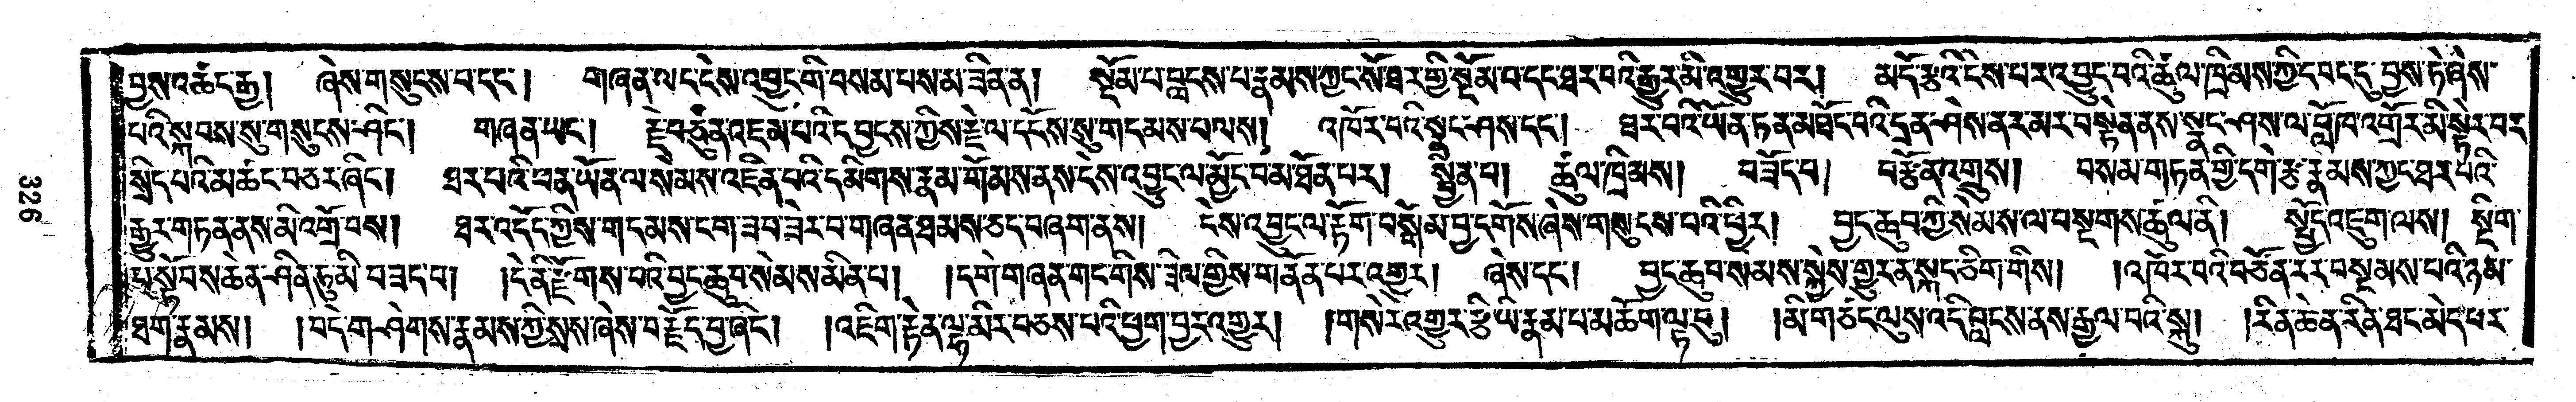བྱས་འཚང་རྒྱ། ཞེས་གསུངས་བ་དང་། གཞན་ལང་ངེས་འབྱུང་གི་བསམ་པས་མ་ཟིན་ན། སྡོམ་པ་བླངས་པ་རྣམས་ཀྱང་སོ་ཐར་གྱི་སྡོམ་བ་དང་ཐར་པའི་རྒྱུར་མི་འགྱུར་བར། མདོ་རྩའི་ངེས་པར་འབྱུང་བའི་ཚུལ་ཁྲིམས་ཀྱི་དབང་དུ་བྱས་ཏེ་ཞེས་
པའི་སྐབས་སུ་གསུངས་ཤིང་། གཞན་ཡང་། རྗེ་བཙུན་འཇམ་པའི་དབྱངས་ཀྱིས་རྗེ་ལ་དངོས་སུ་གདམས་པ་ལས། འཁོར་བའི་སྣང་ཤས་དང་། ཐར་བའི་ཡོན་ཏན་མཐོང་བའི་དྲན་ཤེས་ནར་མར་བསྟེན་ནས་སྣང་ཤས་ལ་བློ་ཁ་འགྲོར་མི་སྟེར་བར་
སྲིད་པའི་མཚང་བཅར་ཞིང་། ཐར་པའི་ཕན་ཡོན་ལ་སེམས་འཛིན་པའི་དམིགས་རྣམ་གོམས་ནས་ངེས་འབྱུང་ལ་མྱོང་བ་མ་ཐོན་པར། སྦྱིན་པ། ཚུལ་ཁྲིམས། བཟོད་པ། བརྩོན་འགྲུས། བསམ་གཏན་གྱི་དགེ་རྩ་རྣམས་ཀྱང་ཐར་པའི་
རྒྱུར་གཏན་ནས་མི་འགྲོ་བས། ཐར་འདོད་ཀྱིས་གདམས་ངག་ཟབ་ཟེར་བ་གཞན་ཐམས་ཅད་བཞག་ནས། ངེས་འབྱུང་ལ་རྟོག་བསྒོམ་བྱ་དགོས་ཞེས་གསུངས་བའི་ཕྱིར། བྱང་ཆུབ་ཀྱི་སེམས་ལ་བསྔགས་ཚུལ་ནི། སྤྱོད་འཇུག་ལས། སྡིག་
པ་སྟོབས་ཆེན་ཤིན་ཏུ་མི་བཟད་བ། །དེ་ནི་རྫོགས་པའི་བྱང་ཆུབ་སེམས་མིན་པ། །དགེ་གཞན་གང་གིས་ཟིལ་གྱིས་གནོན་པར་འགྱུར། ཞེས་དང་། བྱང་ཆུབ་སེམས་སྐྱེས་གྱུར་ན་སྐད་ཅིག་གིས། །འཁོར་བའི་བཙོན་རར་བསྔམས་པའི་ཉམ་
ཐག་རྣམས། །བདེ་གཤེགས་རྣམས་ཀྱི་སྲས་ཞེས་བརྗོད་བྱ་ཞིང་། །འཇིག་རྟེན་ལྷ་མིར་བཅས་པའི་ཕྱག་བྱར་འགྱུར། །གསེར་འགྱུར་རྩི་ཡི་རྣམ་པ་མཆོག་ལྟ་བུ། །མི་གཙང་ལུས་འདི་བླངས་ནས་རྒྱལ་བའི་སྐུ། །རིན་ཆེན་རིན་ཐང་མེད་པར་